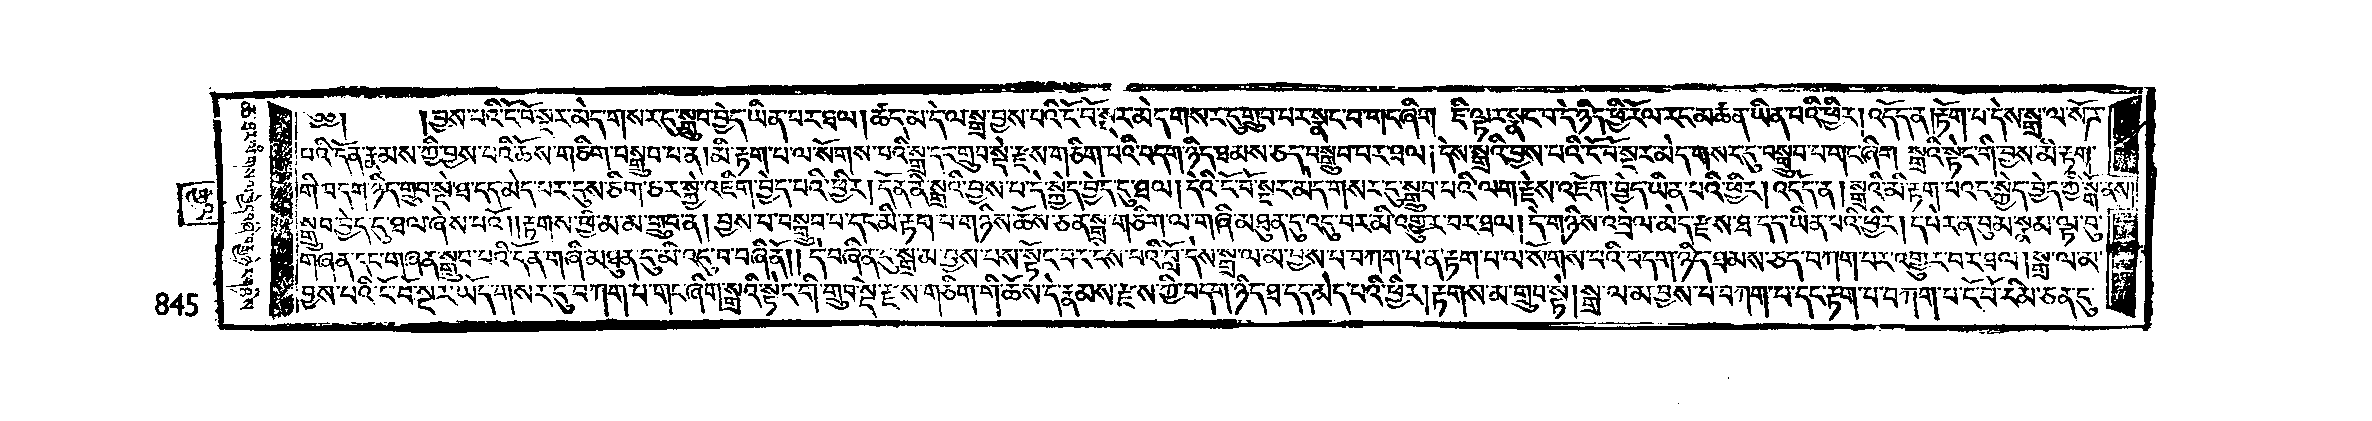༄༅། །བྱས་པའི་ངོ་བོ་སྔར་མེད་གསར་དུ་སྒྲུབ་བྱེད་ཡིན་པར་ཐལ། ཚད་མ་དེ་ལ་སྒྲ་བྱས་པའི་ངོ་བོ་སྔར་མེད་གསར་དུ་གྲུབ་པར་སྣང་བ་གང་ཞིག་ཇི་ལྟར་སྣང་བ་དེ་ཉིད་ཕྱི་རོལ་རང་མཚན་ཡིན་པའི་ཕྱིར། འདོད་ན། རྟོག་པ་དེས་སྒྲ་ལ་སོགས་
པའི་དོན་རྣམས་ཀྱི་བྱས་པའི་ཆོས་གཅིག་བསྒྲུབ་པ་ན། མི་རྟག་པ་ལ་སོགས་པའི་སྒྲ་དང་གྲུབ་སྡེ་རྫས་གཅིག་པའི་བདག་ཉིད་ཐམས་ཅད་བསྒྲུབ་པར་ཐལ། དེས་སྒྲའི་བྱས་པའི་ངོ་བོ་སྔར་མེད་གསར་དུ་བསྒྲུབ་པ་གང་ཞིག་སྒྲའི་སྟེང་གི་བྱས་མི་རྟག་
གི་བདག་ཉིད་གྲུབ་སྡེ་ཐ་དད་མེད་པར་དུས་ཅིག་ཅར་སྐྱེ་འཇིག་བྱེད་པའི་ཕྱིར། དོན་ནི་སྒྲའི་བྱས་པ་དེ་སྐྱེད་བྱེད་དུ་ཐལ། དེའི་ངོ་བོ་སྔར་མེད་གསར་དུ་སྒྲུབ་པའི་ལག་རྗེས་འཇོག་བྱེད་ཡིན་པའི་ཕྱིར། འདོད་ན། སྒྲའི་མི་རྟག་པའང་སྐྱེད་བྱེད་ཀྱི་སྒོ་ནས་
སྒྲུབ་བྱེད་དུ་ཐལ་ཞེས་པའོ། །རྟགས་ཕྱི་མ་མ་གྲུབ་ན། བྱས་པ་བསྒྲུབ་པ་དང་མི་རྟག་པ་གཉིས་ཆོས་ཅན་སྒྲ་གཅིག་ལ་གཞི་མཐུན་དུ་འདུ་བར་མི་འགྱུར་བར་ཐལ། དེ་གཉིས་འབྲེལ་མེད་རྫས་ཐ་དད་ཡིན་པའི་ཕྱིར། དཔེར་ན་བུམ་སྣམ་ལྟ་བུ་
གཞན་དང་གཞན་སྒྲུབ་པའི་དོན་གཞི་མཐུན་དུ་མི་འདུ་བ་བཞིན་ནོ། །དེ་བཞིན་དུ་སྒྲ་མ་བྱས་པས་སྟོང་པར་ངེས་པའི་བློ་དེས་སྒྲ་ལ་མ་བྱས་པ་བཀག་པ་ན་རྟག་པ་ལ་སོགས་པའི་བདག་ཉིད་ཐམས་ཅད་བཀག་པར་འགྱུར་བར་ཐལ། སྒྲ་ལ་མ་
བྱས་པའི་ངོ་བོ་སྔར་ཡོད་གསར་དུ་བཀག་པ་གང་ཞིག་སྒྲའི་སྟེང་གི་གྲུབ་སྡེ་རྫས་གཅིག་གི་ཆོས་དེ་རྣམས་རྫས་ཀྱི་བདག་ཉིད་ཐ་དད་མེད་པའི་ཕྱིར། རྟགས་མ་གྲུབ་སྟེ། སྒྲ་ལ་མ་བྱས་པ་བཀག་པ་དང་རྟག་པ་བཀག་པ་ངོ་བོ་རིམ་ཅན་དུ་